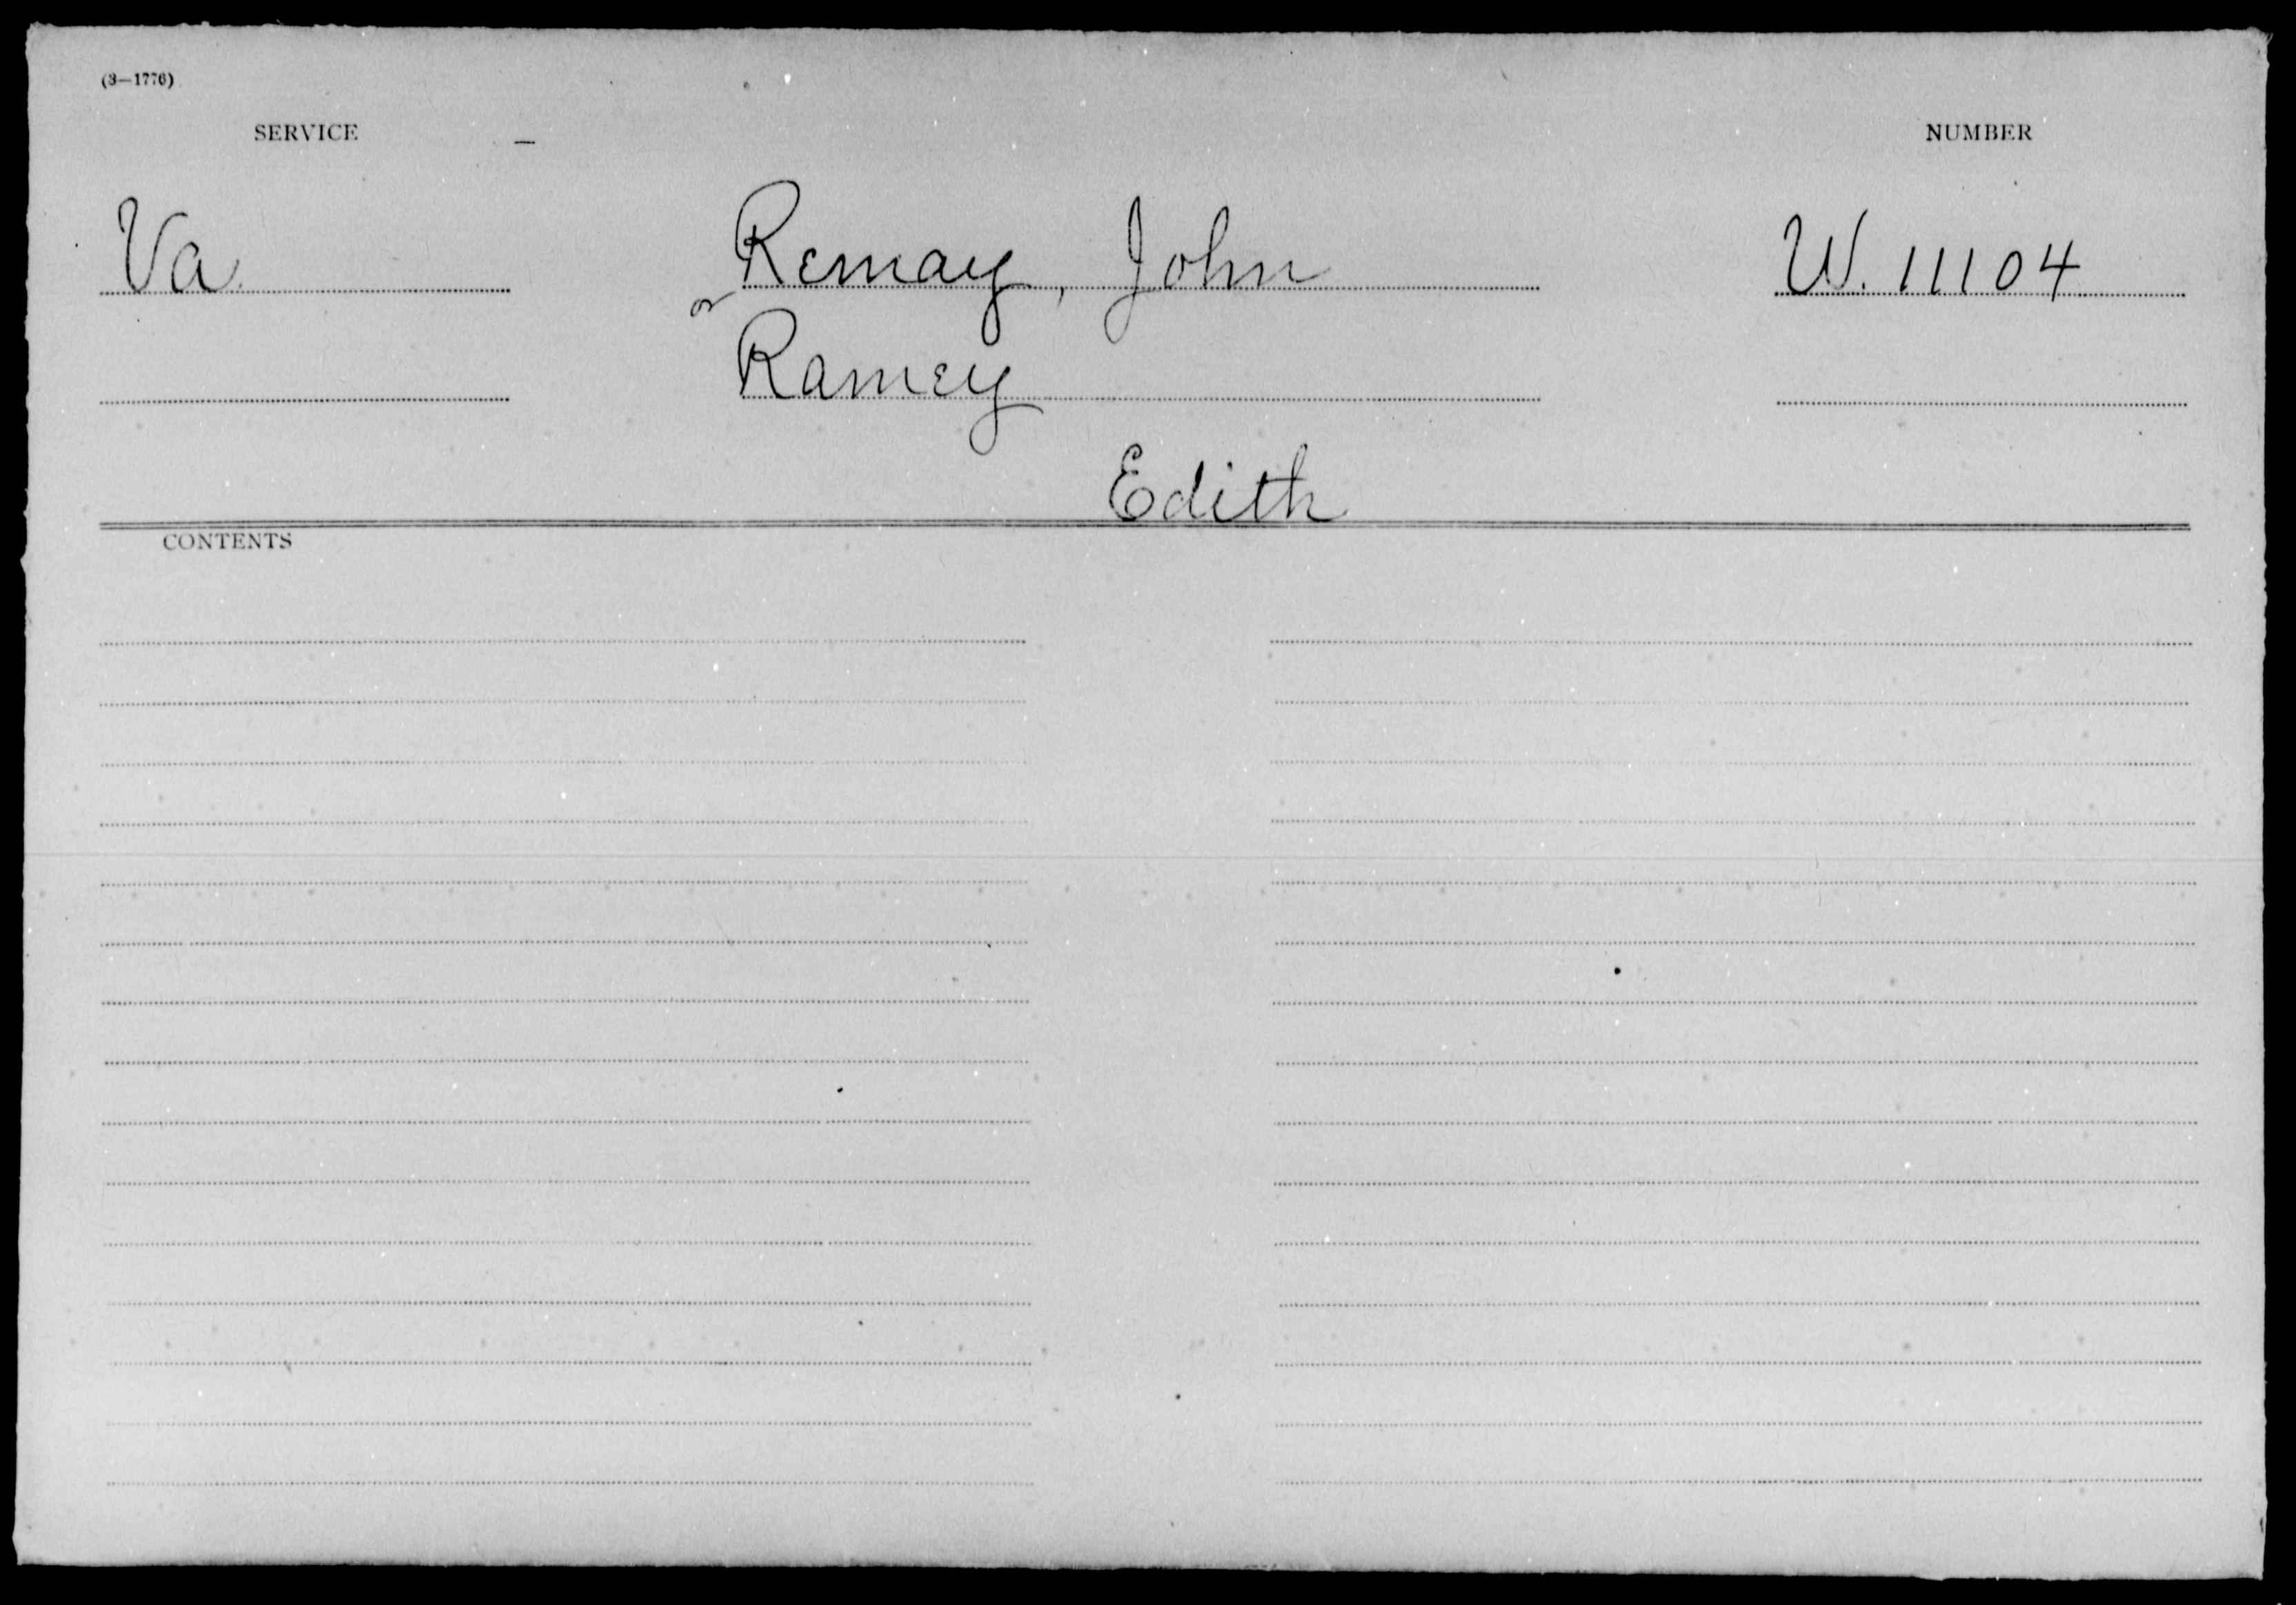SERVICE NUMBER
Va. Remay, John W. 11104
or Ramey
Edith
CONTENTS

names: John Ramey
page: 1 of 84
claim: widow's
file: W.11104, for John Remay, Virginia